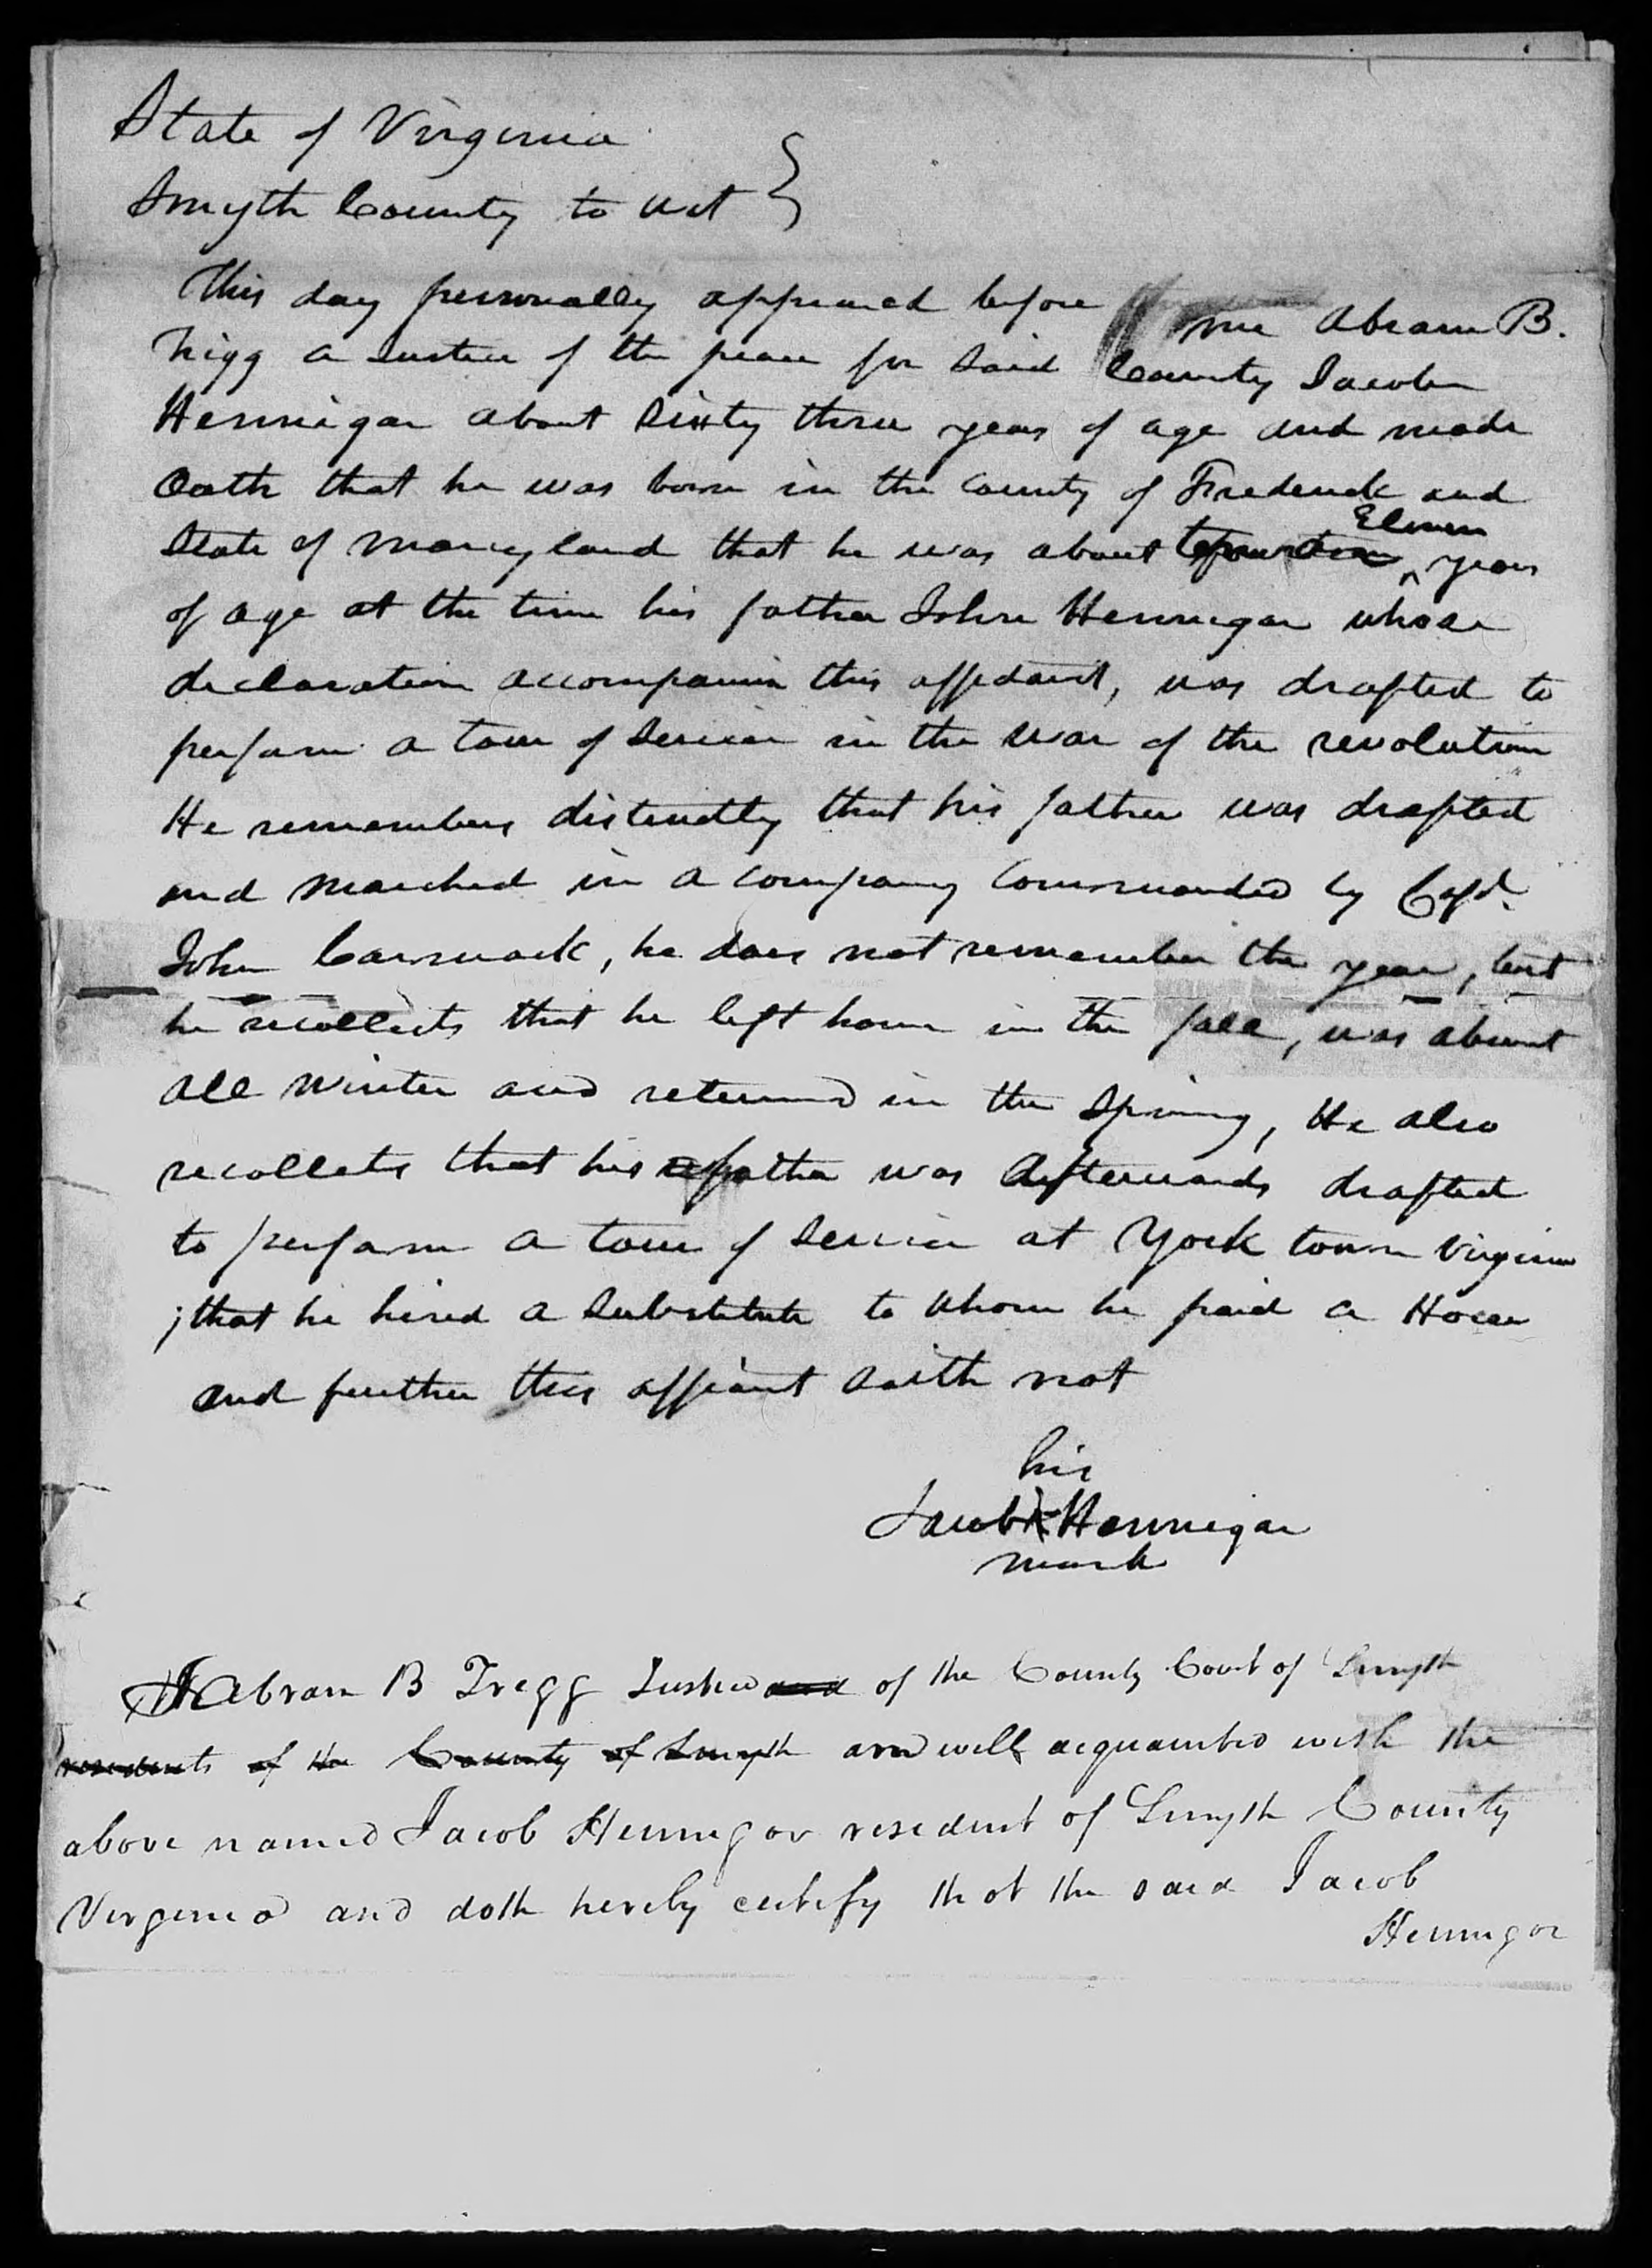State of Virginia
Smyth County to wit

This day personally appeared before me Abram B Trigg a Justice of the Peace for said county Jacob Hennigar about sixty-three years of age and made oath that he was born in the county of Frederick and state of Maryland that he was about ten or eleven years of age at the time his father John Hennigar whose declaration accompanies this affidavit was drafted to perform a tour of service in the war of the revolution. He remembers distinctly that his father was drafted and marched in a company commanded by Capt. John Carmack, he does not remember the year, but he recollects that he left home in the fall was absent all winter and returned in the spring. He also recollects that his father was afterwards drafted to perform a tour of service at York Town Virginia that he hired a substitute to whom he paid a [illegible] and further this affiant saith not.

Jacob Hennigar
His X Mark

I Abram B Trigg Justice of the County Court of Smyth am well acquainted with the above name Jacob Hennigar resident of Smyth County Virginia and doth hereby certify that the said Jacob Hennigar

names: Jacob Hennigan, Abram B Trigg, Abram B Trigg, John Carmack, Jacob Hennigan, Jacob Hennigan, John Hennegan, Jacob Hennegan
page: 8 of 18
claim: survivor's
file: S. 15,884, John Hennigar, Md.